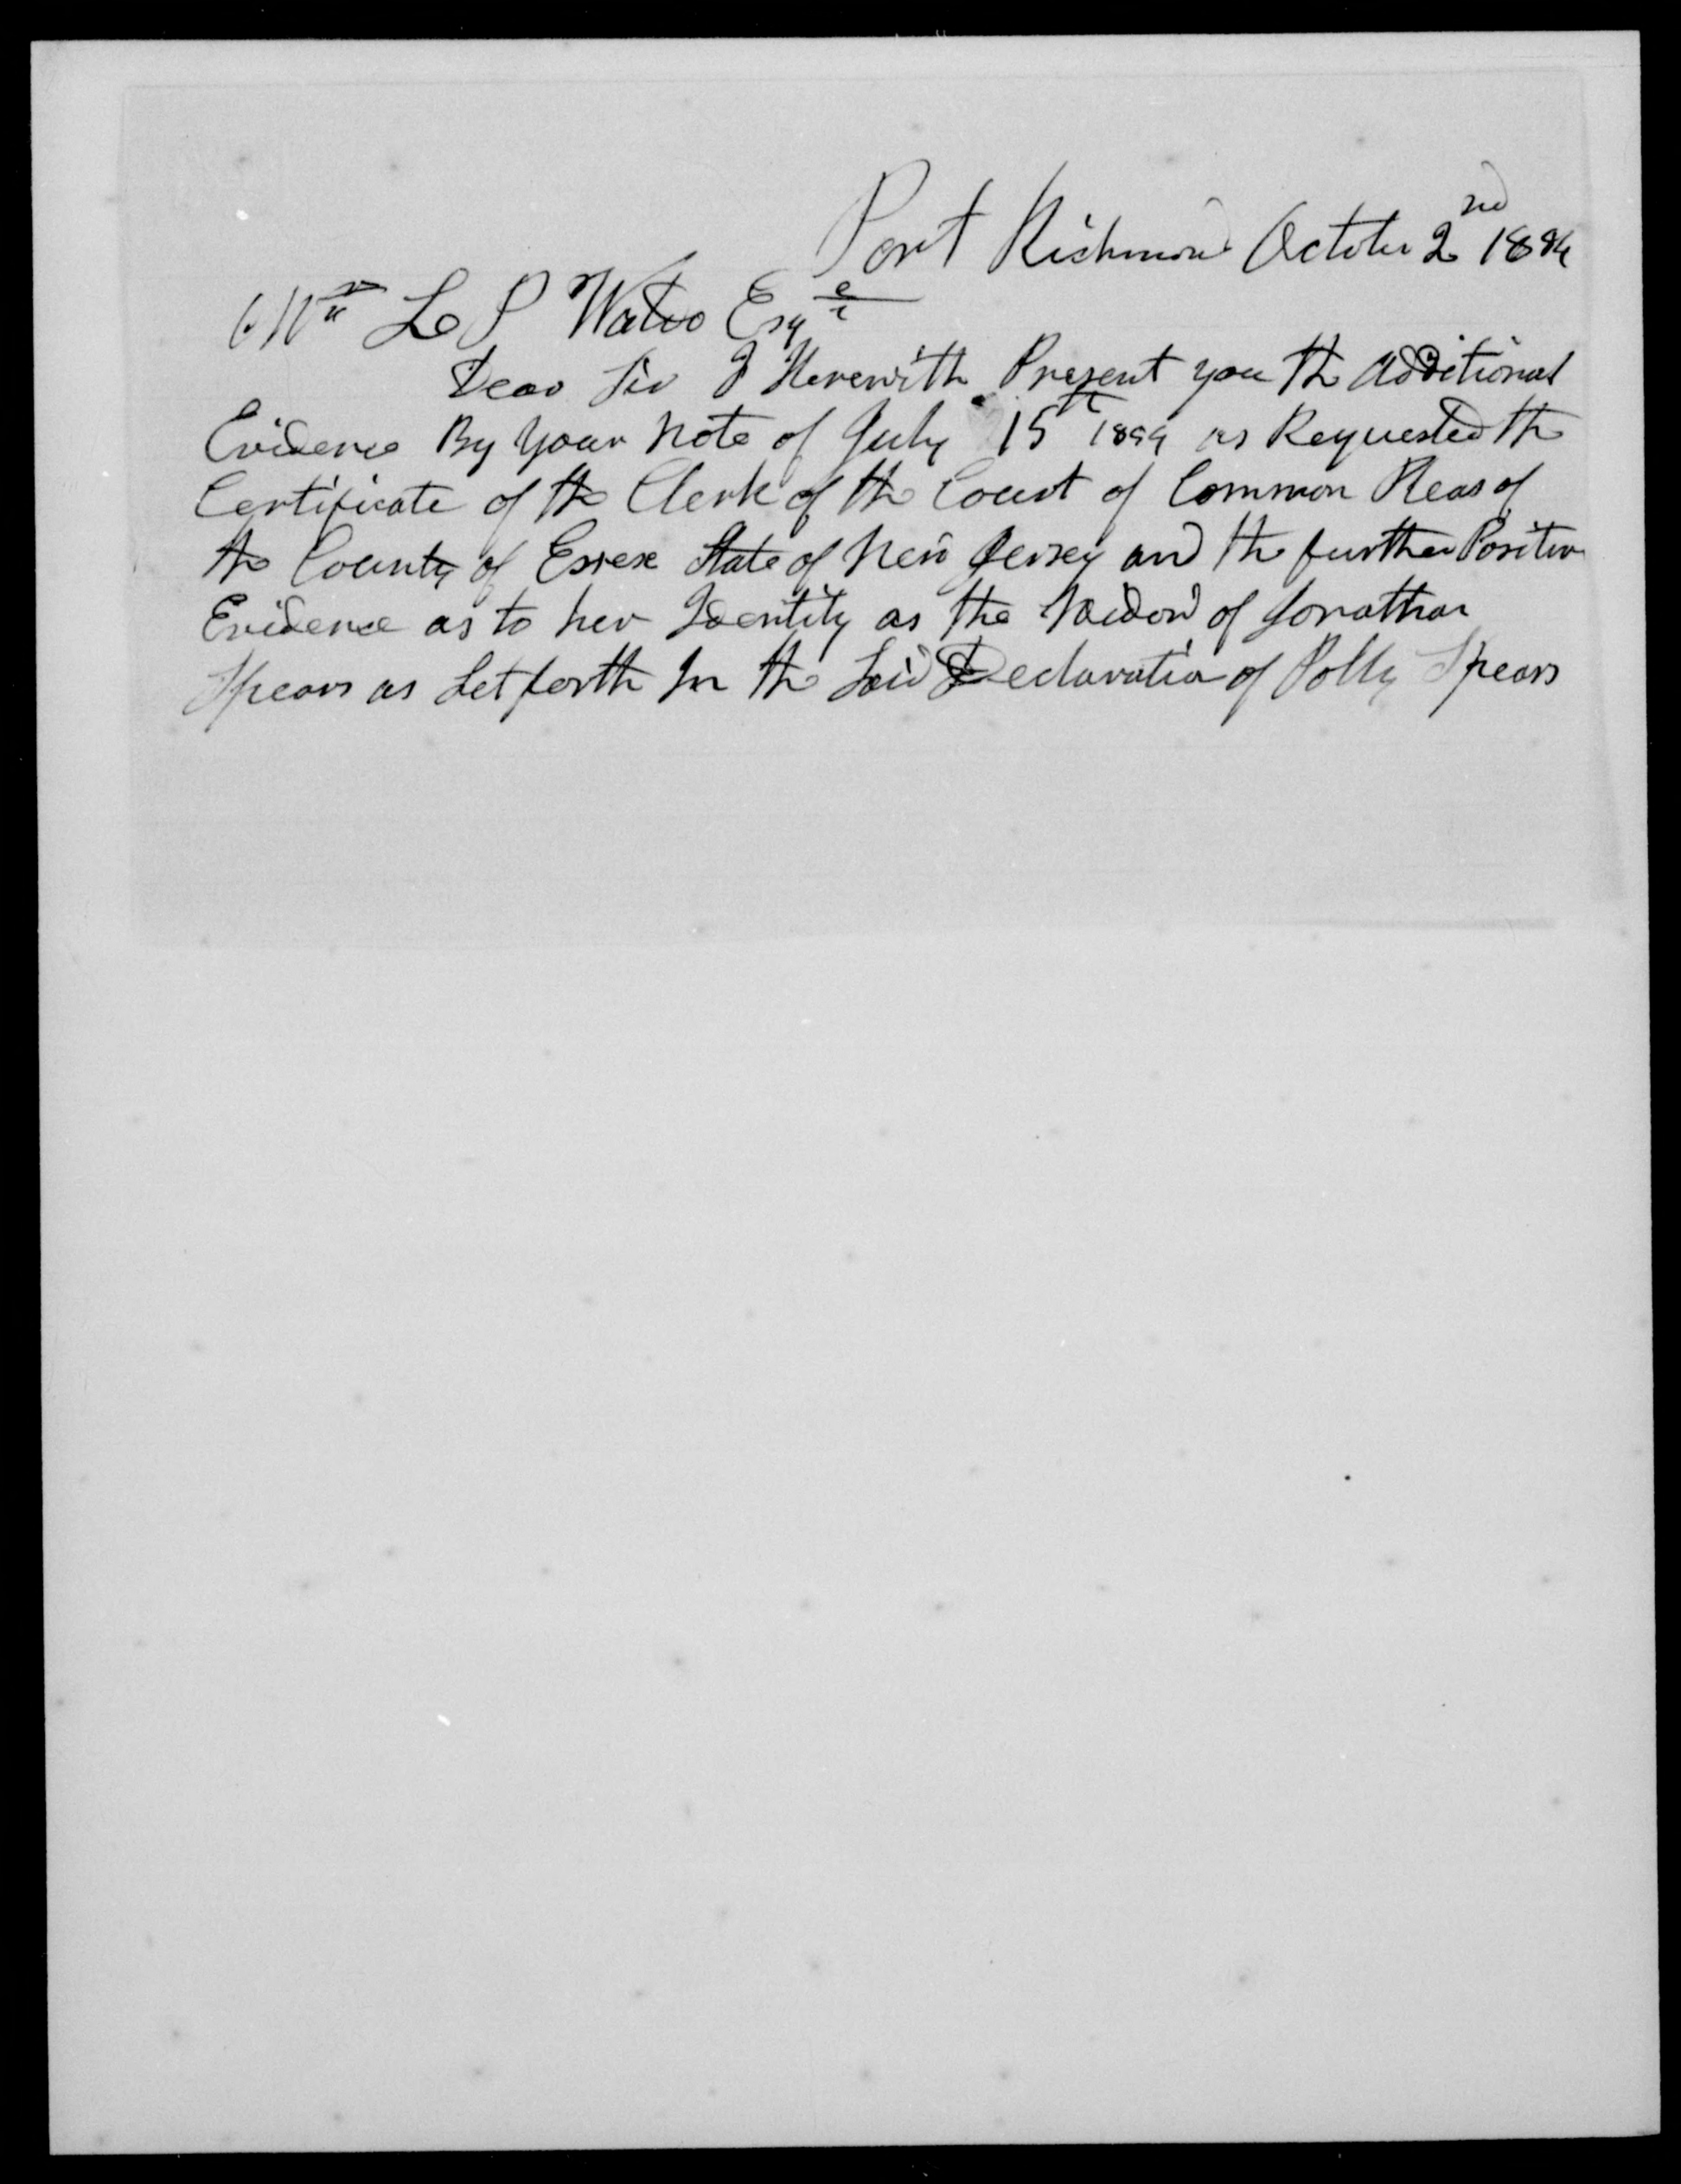Port Richmond October 2nd 1842
[ ] L P Waldo Esqr
Dear Sir I herewith present you the additional
Evidence by your note of July 15th 1899 as Requested the
Certificate of the Clerk of the Court of Common Pleas of
the County of Essex State of New Jersey and the further portion
Evidence as to her identity as the widow of Jonathan
Spears as set forth in the said Declaration of Polly Spears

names: Jonathan Spears; Polly Spears; L P Waldo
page: 37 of 65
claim: widow's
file: W. 7197, for Jonathan Spear, Vermont